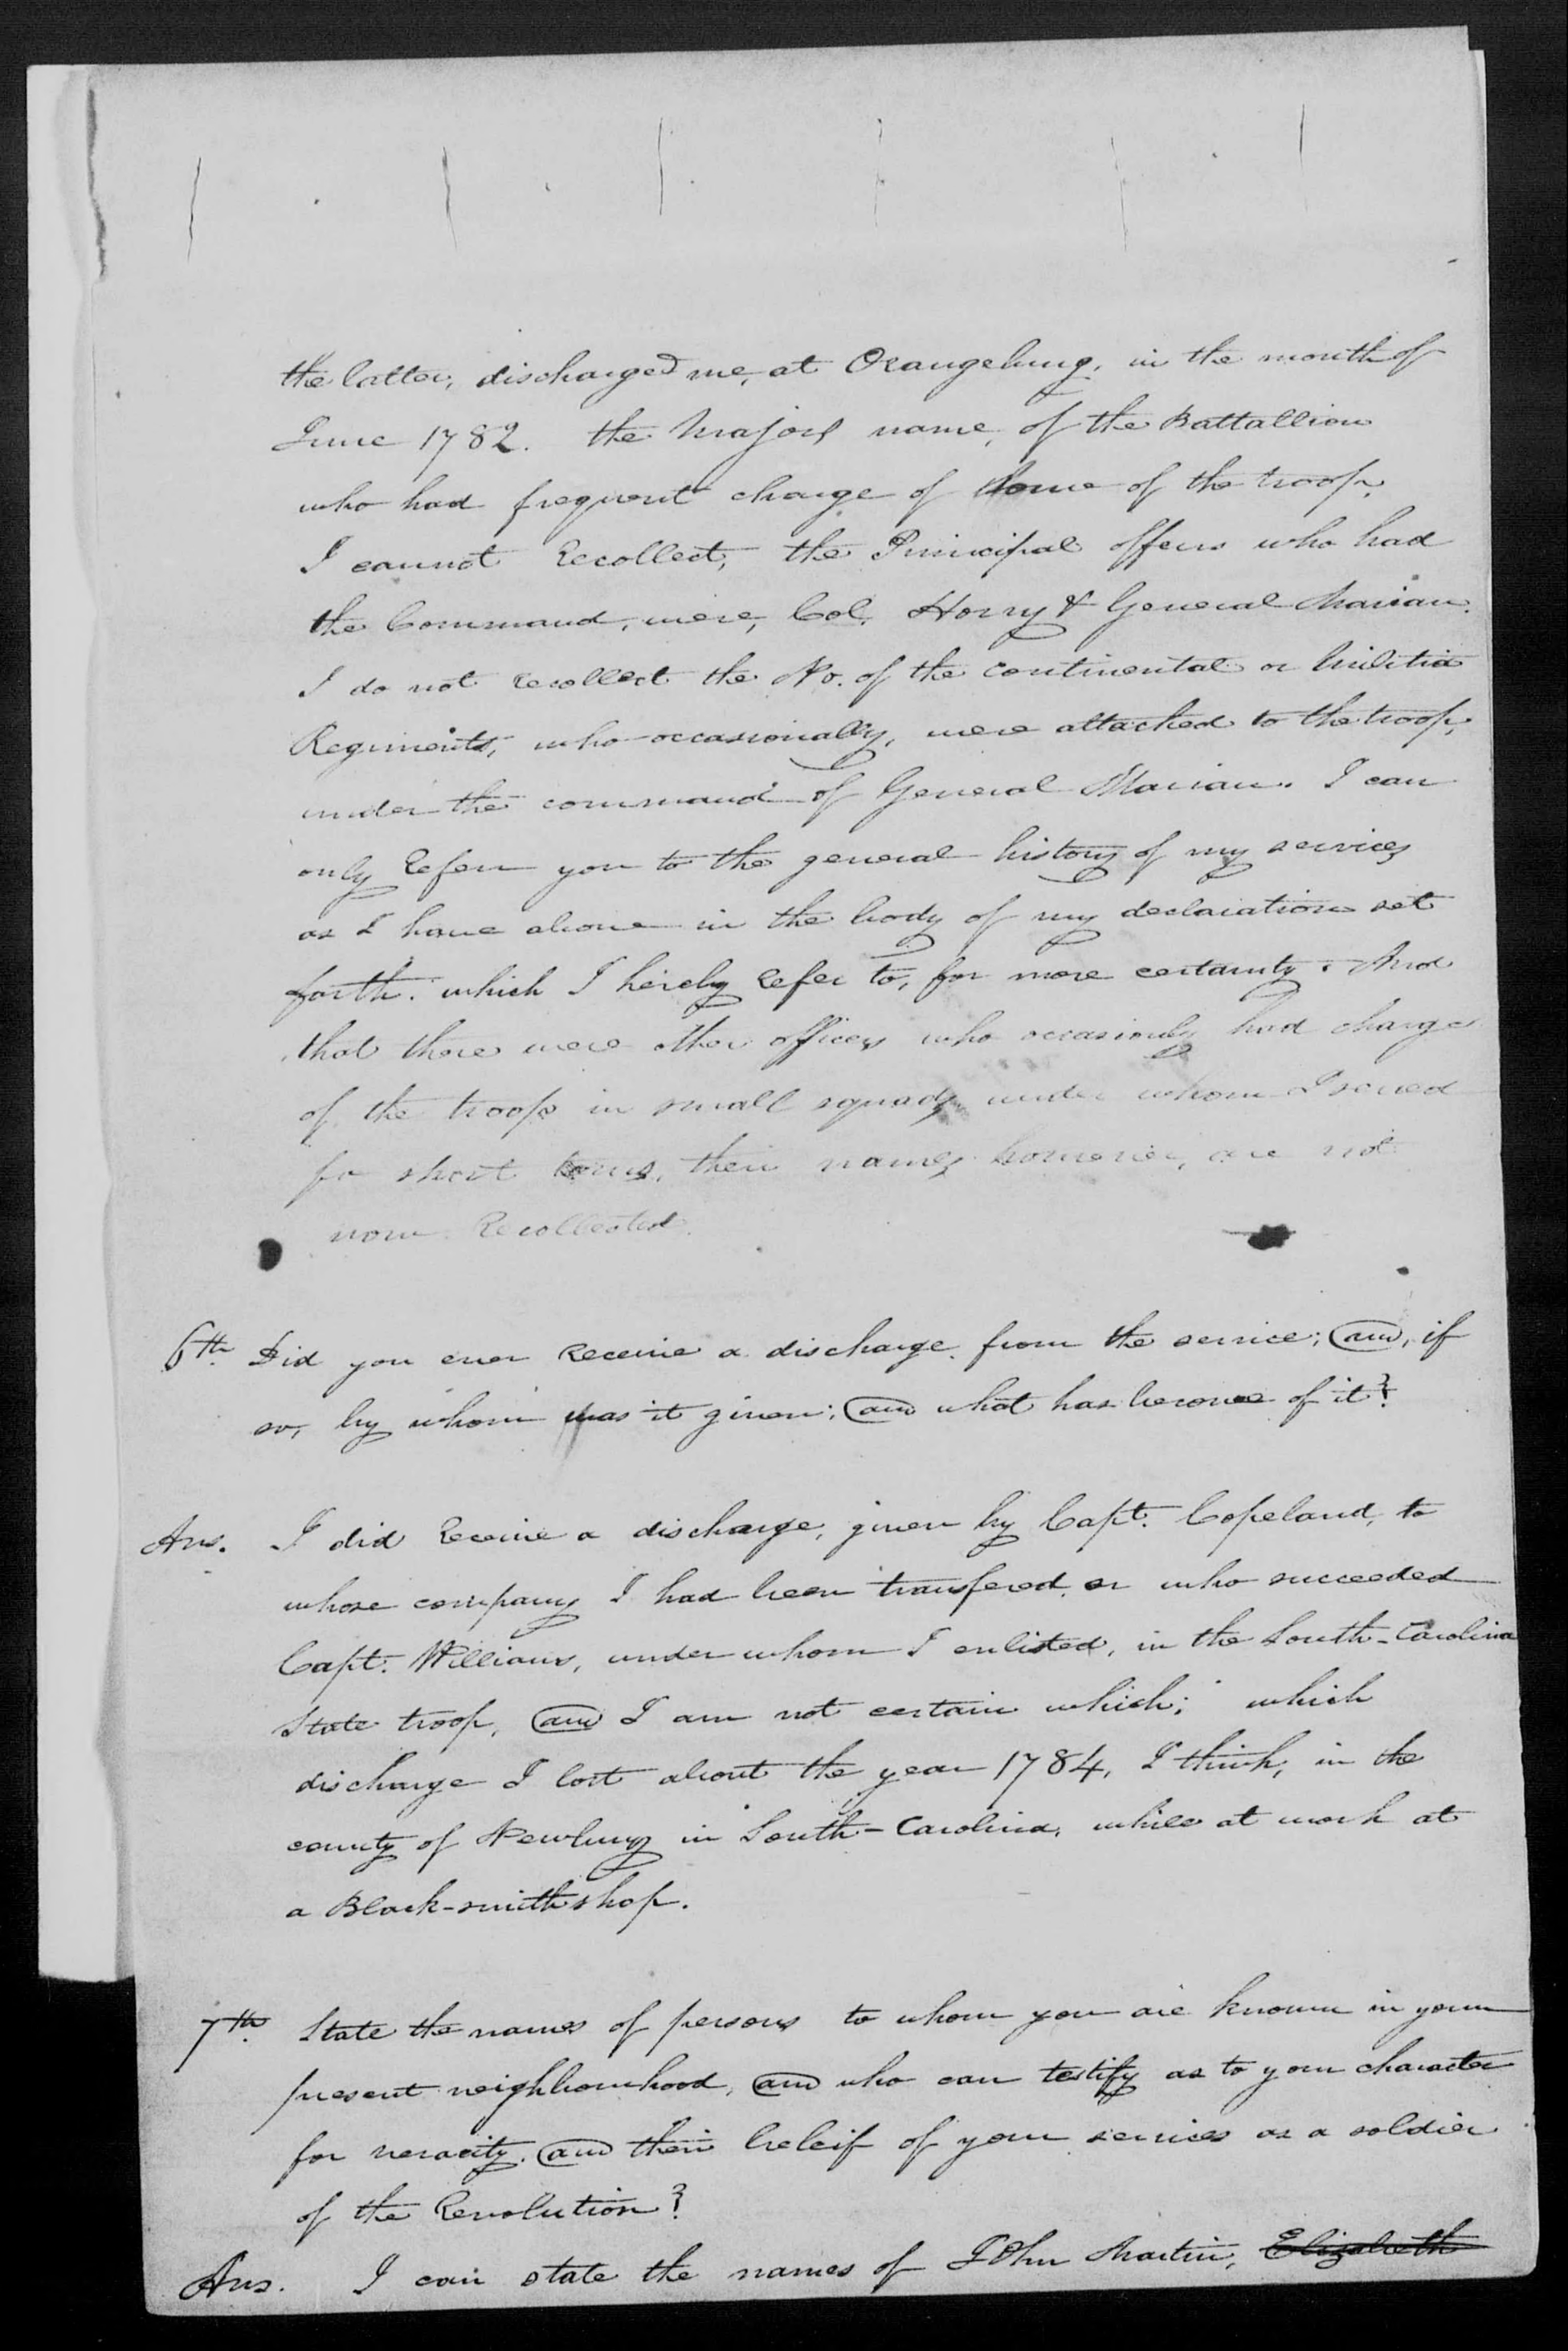the latter discharged me at Orangeburg, in the month of
June 1782. the Majors name of the Battalion who had frequent charge of some of the troop I cannot recollect, the Principal officers who had
the Command were Col. [Daniel] Horry & General [Francis] Marion.
I do not recollect the No. of the continental or militia Regiments, who occasionally, were attached to the troop under the command of General Marion, I can only refer you to the general history of my services
as I have above in the body of my declaration set forth which I hereby refer to, for more certainty and
that there were other officers who occasionally had charge of the troop in small squads under whom I served
for short tours, their names however are not now recollected
6th Did you ever receive a discharge from the service; and if so by whom was it given; and what has become of it
Ans. I did receive a discharge given by Capt [William] Copeland to
whose company I had been transferred or who succeeded
Capt. [John] Williams, under whom I enlisted in the South Carolina
State troop, and I am not certain which; which discharge I lost about the year 1784, I think in the
County of Newburg in South Carolina, while at work at a Blacksmith shop
7th State the names of persons to whom you are known in your present neighborhood, and who can testify as to your character for veracity, and their belief of your services as a soldier the Revolution?
Ans. I can state the names of John Martin,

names: John Martin, Marian, Elizabeth, Marian, Horry, Copeland, Williams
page: 11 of 41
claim: rejected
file: R. 1309, James Brown, S.C.